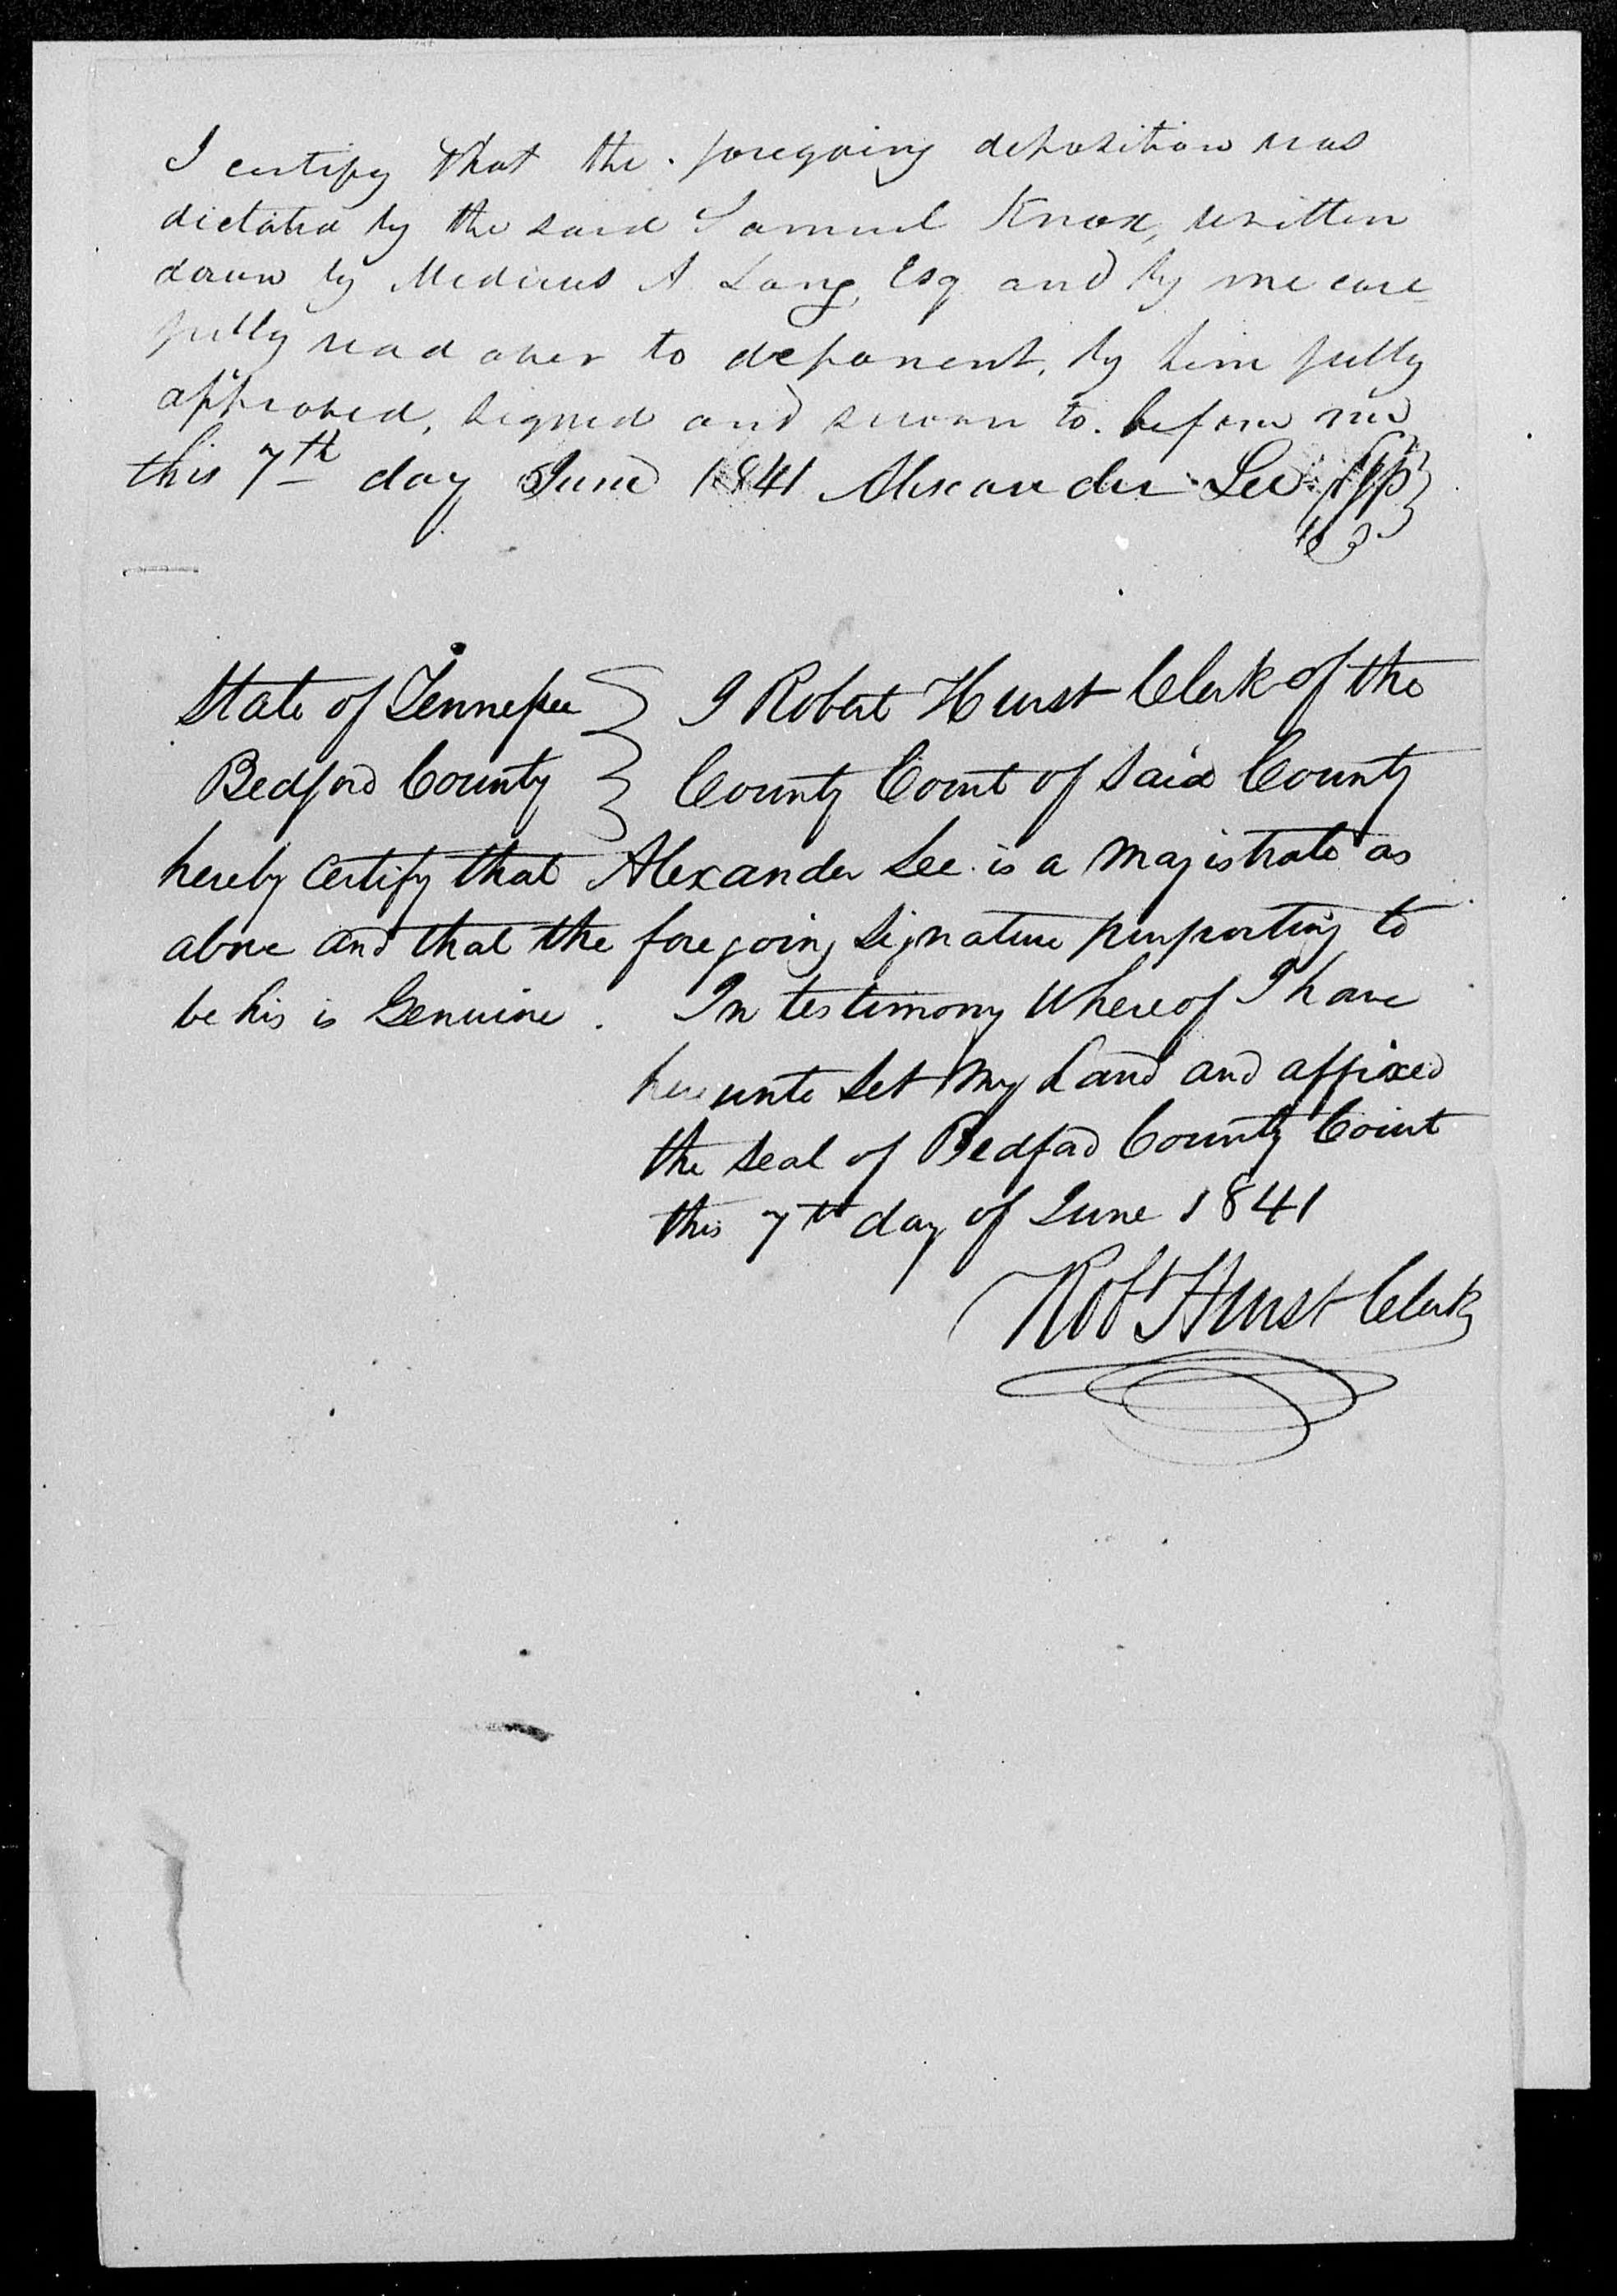I certify that the foregoing deposition was dictated by the said Samuel Knox, written down by Medicus A Lary Esq and by me carefully read over to deponent, by him fully approved, signed and sworn to before me this 7th day June 1841 Alexander Lee [initials]
State of Tennessee 
 Bedford County 
I Robert Hurst Clerk of the County Court of said County hereby certify that Alexander Lee is a magistrate as above and that the foregoing signature purporting to be his is genuine. In testimony whereof I have hereunto set my hand and affixed the seal of Bedford County Court this 7th day of June 1841 Robt Hurst Clerk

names: Alexander Lee, Robert Hurst, Robt Hurst, Alexander Lee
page: 20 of 31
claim: widow's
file: W. 8668, John Dick, S C